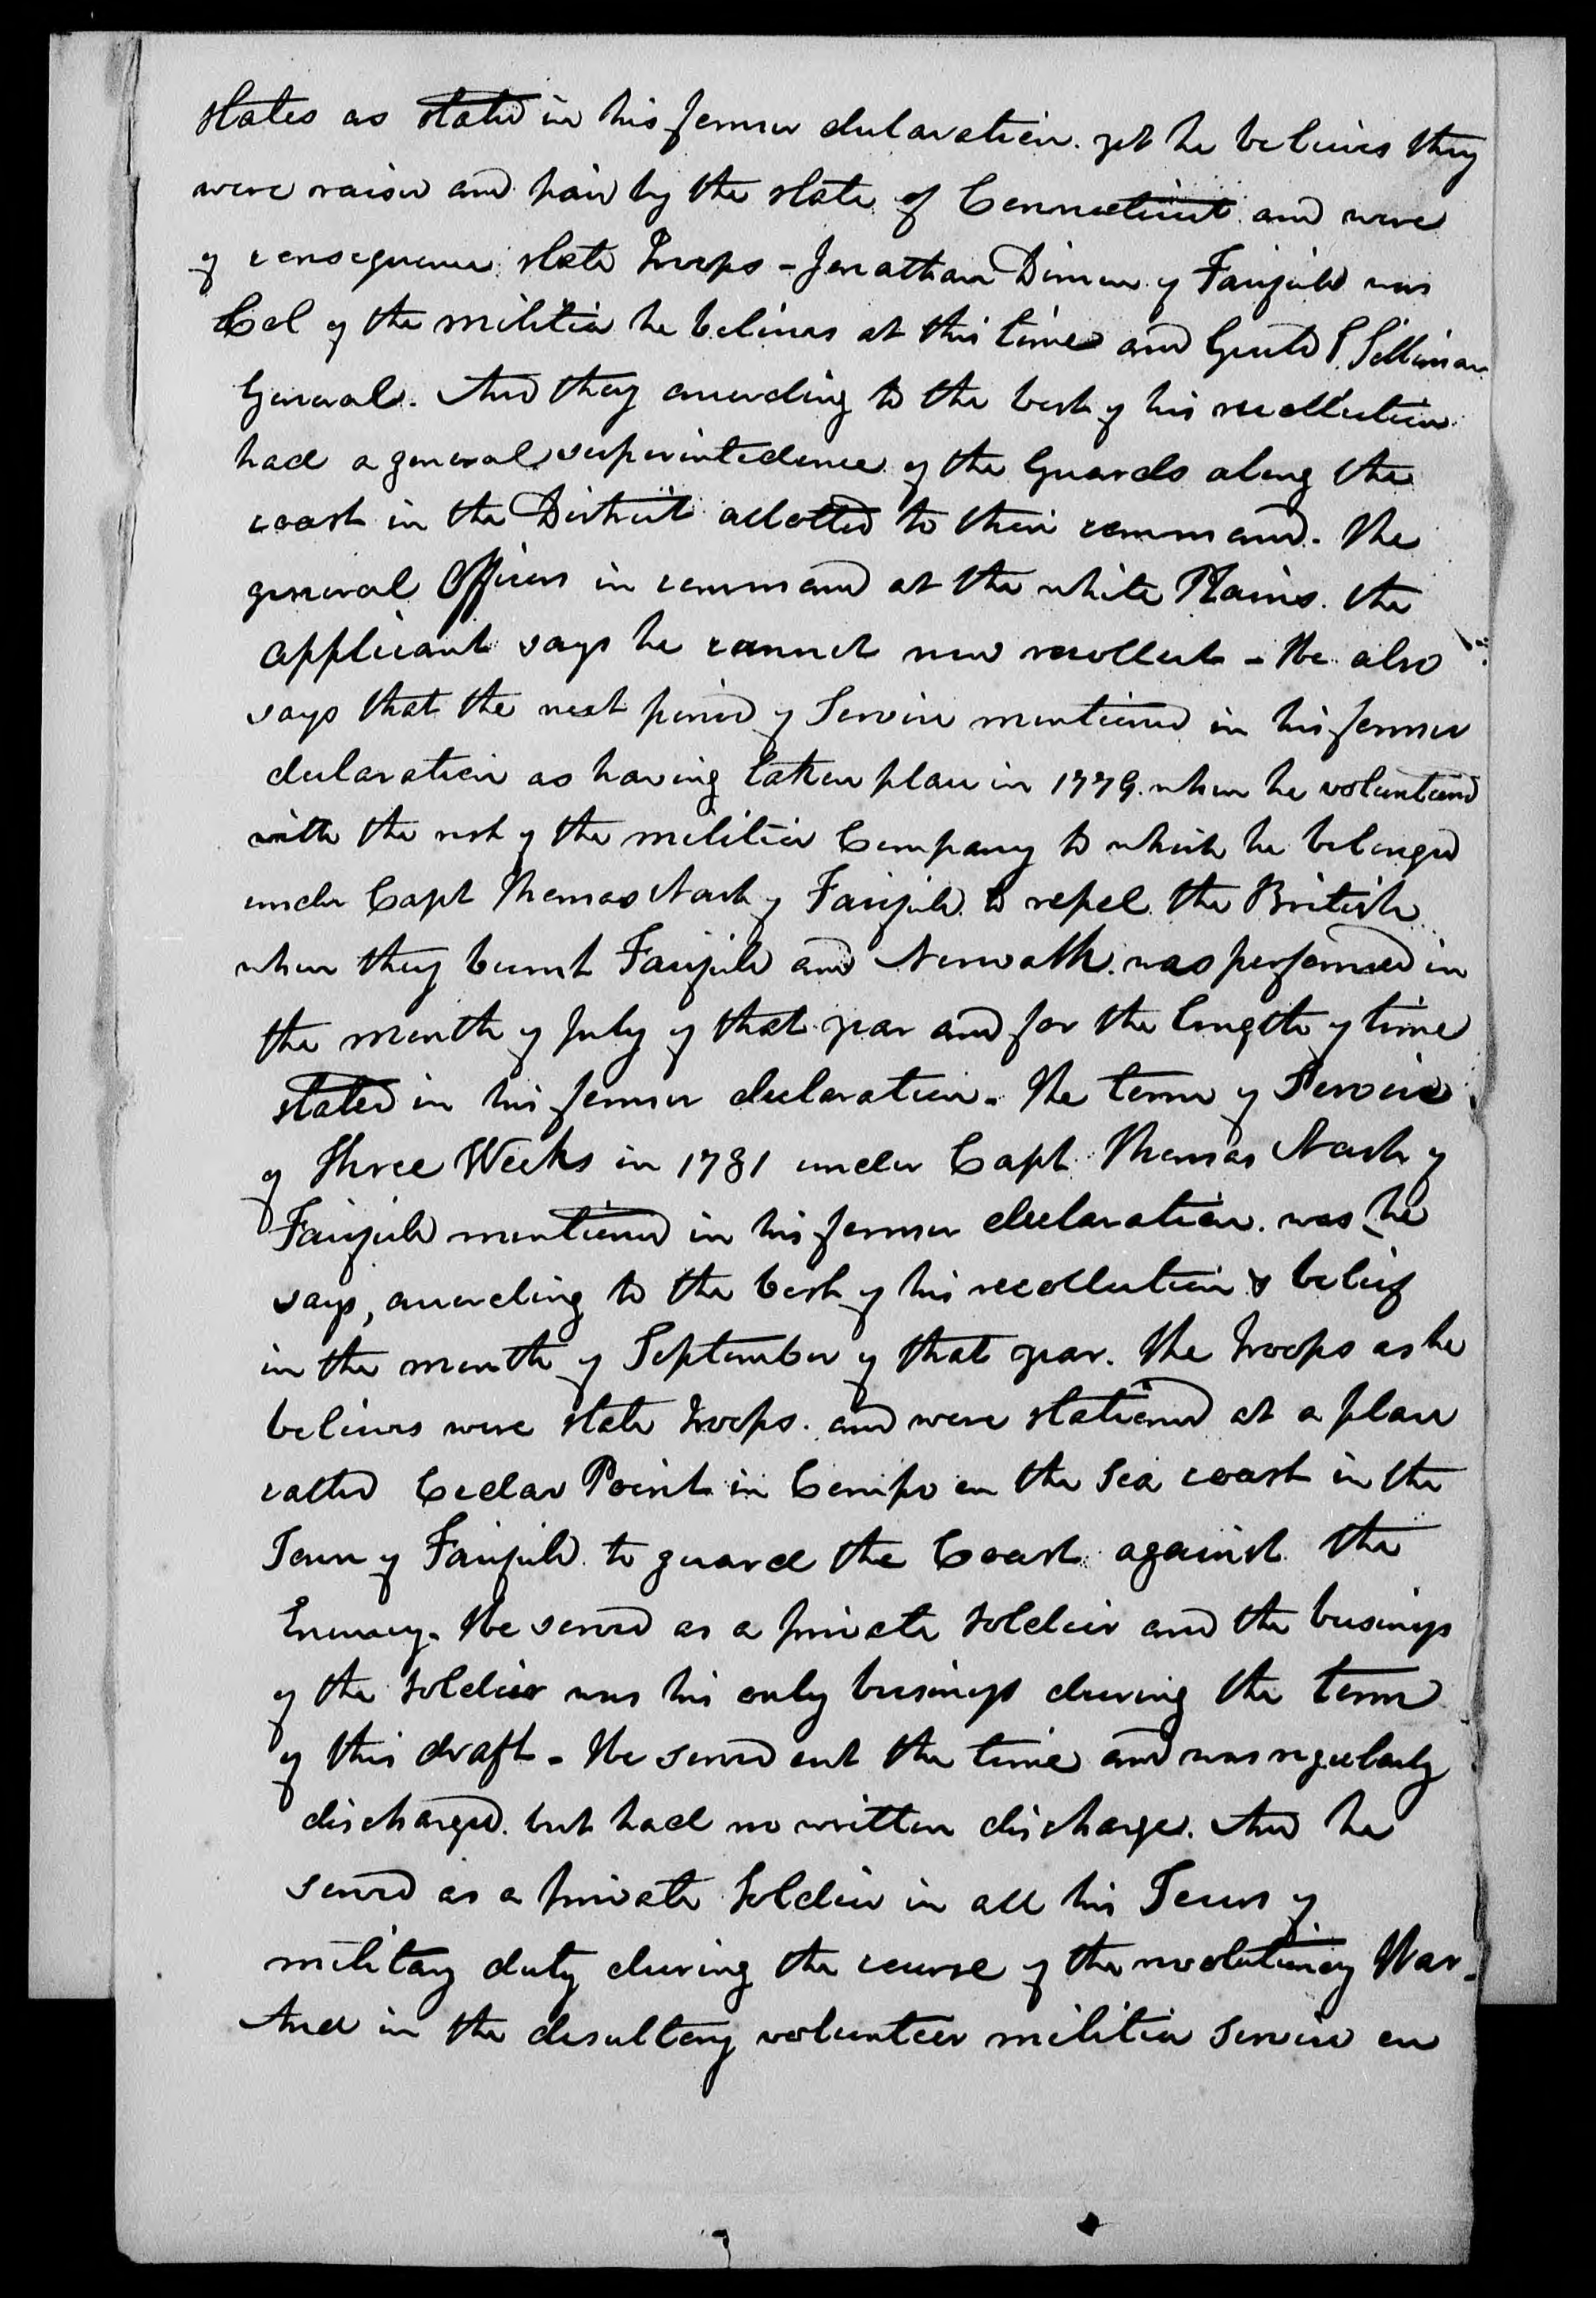states as stated in his former declaration, yet he believes they were raised and paid by the state of Connecticut and were of consequence state troops - Jonathan Dimon of Fairfield was Col of the militia he believed at the time and Gould P. Silliman General. That they according to the best of his recollection had a general superintendence of the Guards along the coast in the District allotted to their command.  The general Officers in command at the White Plains the applicant says he cannot now recollect - he also says that the next period of service mentioned in his former declaration as having taken place in 1779 when he volunteered with Capt Thomas Nash of Fairfield to repel the British when they burnt Fairfield and Norwalk was performed in the month of July of that year and for the length of time stated in his former declaration. The term of service of three weeks in 1781 under Capt. Thomas Nash of Fairfield mentioned in his former declaration was he says, according to the best of his recollection & belief in the month of September of that year.  The Troops as he believes were state troops and were stationed as a place called Cedar Point in  Cempo on the sea coast of Fairfield to guard the Coast against the Enemy. He served ss a private soldier and  the business of the soldier was his only business during the term of this draft.  He served out the time and was regularly discharged but has no written discharge. And he served as a private soldier in all his Terms of military duty during the course of the revolutionary War. And in the desultory volunteer militia served an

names: Jonathan Dimon; Thomas Nash; Gould P Silliman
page: 12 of 22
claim: survivor's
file: S. 15,517, for Joseph Meeker, Connecticut